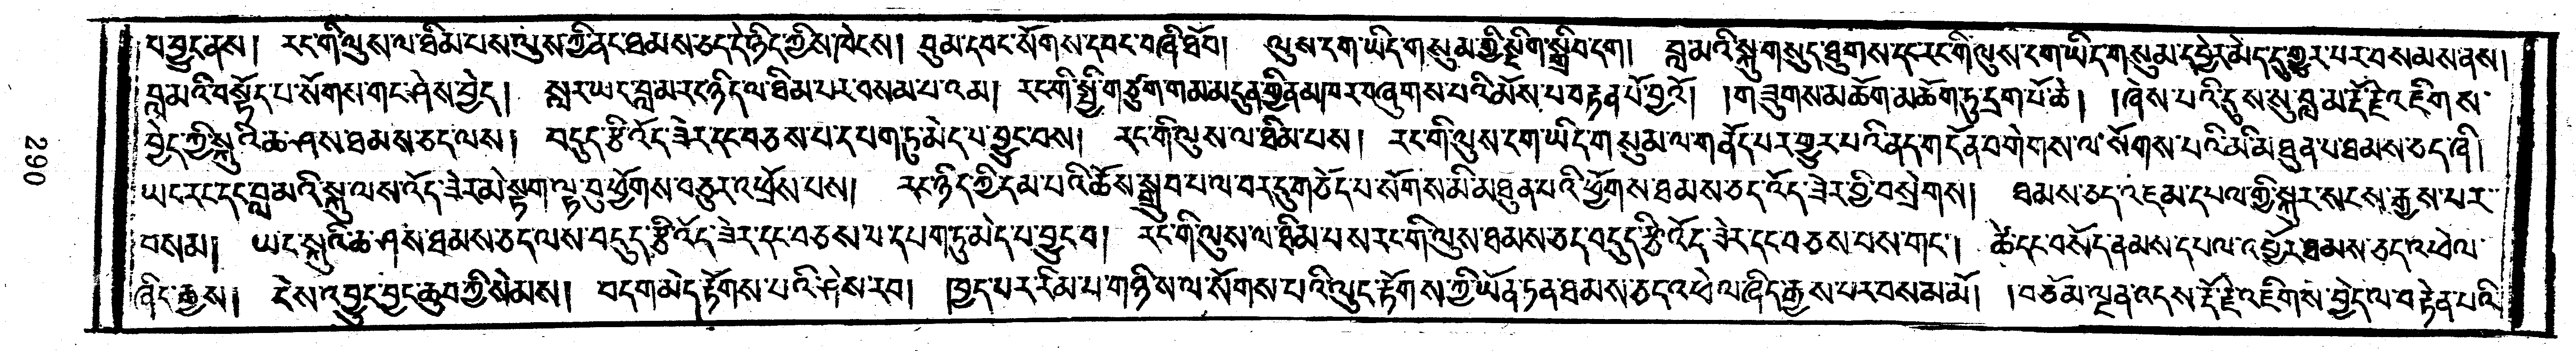པ་བྱུང་ནས། རང་གི་ལུས་ལ་ཐིམ་པས་ལུས་ཀྱི་ནང་ཐམས་ཅད་དེ་ཉིད་ཀྱིས་ཁེངས། བུམ་དབང་སོགས་དབང་བཞི་ཐོབ། ལུས་ངག་ཡིད་གསུམ་གྱི་སྡིག་སྒྲིབ་དག། བླ་མའི་སྐུ་གསུང་ཐུགས་དང་རང་གི་ལུས་ངག་ཡིད་གསུམ་དབྱེར་མེད་དུ་གྱུར་པར་བསམས་ནས།
བླ་མའི་བསྟོད་པ་སོགས་གང་ཤེས་བྱེད། སླར་ཡང་བླ་མ་རང་ཉིད་ལ་ཐིམ་པར་བསམ་པ་འམ། རང་གི་སྤྱི་གཙུག་གམ་མདུན་གྱི་ན་མཁར་བཞུགས་པའི་མོས་པ་བརྟན་པོ་བྱའོ། །གཟུགས་མཆོག་མཆོག་ཏུ་དྲག་པོ་ཆེ། །ཞེས་པའི་དུས་སུ་བླ་མ་རྡོ་རྗེ་འཇིགས་
བྱེད་ཀྱི་སྐུའི་ཆ་ཤས་ཐམས་ཅད་ལས། བདུད་རྩི་འོད་ཟེར་དང་བཅས་པ་དཔག་ཏུ་མེད་པ་བྱུང་བས། རང་གི་ལུས་ལ་ཐིམ་པས། རང་གི་ལུས་ངག་ཡིད་གསུམ་ལ་གནོད་པར་གྱུར་པའི་ནད་གདོན་བགེགས་ལ་སོགས་པའི་མི་མཐུན་པ་ཐམས་ཅད་ཞི།
ཡང་རང་དང་བླ་མའི་སྐུ་ལས་འོད་ཟེར་མེ་སྟག་ལྟ་བུ་ཕྱོགས་བཅུར་འཕྲོས་པས། རང་ཉིད་ཀྱི་དམ་པའི་ཆོས་སྒྲུབ་པ་ལ་བར་དུ་གཅོད་པ་སོགས་མི་མཐུན་པའི་ཕྱོགས་ཐམས་ཅད་འོད་ཟེར་བྱི་བསྲེགས། ཐམས་ཅད་འཇམ་དཔལ་གྱི་སྐུར་སངས་རྒྱས་པར་
བསམ། ཡང་སྐུའི་ཆ་ཤས་ཐམས་ཅད་ལས་བདུད་རྩི་འོད་ཟེར་དང་བཅས་པ་དཔག་ཏུ་མེད་པ་བྱུང་བ། རང་གི་ལུས་ལ་ཐིམ་པས་རང་གི་ལུས་ཐམས་ཅད་བདུད་རྩི་འོད་ཟེར་དང་བཅས་པས་གང་། ཚེ་དང་བསོད་ནམས་དཔལ་འབྱོར་ཐམས་ཅད་འཕེལ་
ཞིང་རྒྱས། ངེས་འབྱུང་བྱང་ཆུབ་ཀྱི་སེམས། བདག་མེད་རྟོགས་པའི་ཤེས་རབ། ཁྱད་པར་རིམ་པ་གཉིས་ལ་སོགས་པའི་ལུང་རྟོགས་ཀྱི་ཡོན་ཏན་ཐམས་ཅད་འཕེལ་ཞིང་རྒྱས་པར་བསམ་མོ། །བཅོམ་ལྡན་འདས་རྡོ་རྗེ་འཇིགས་བྱེད་ལ་བརྟེན་པའི་